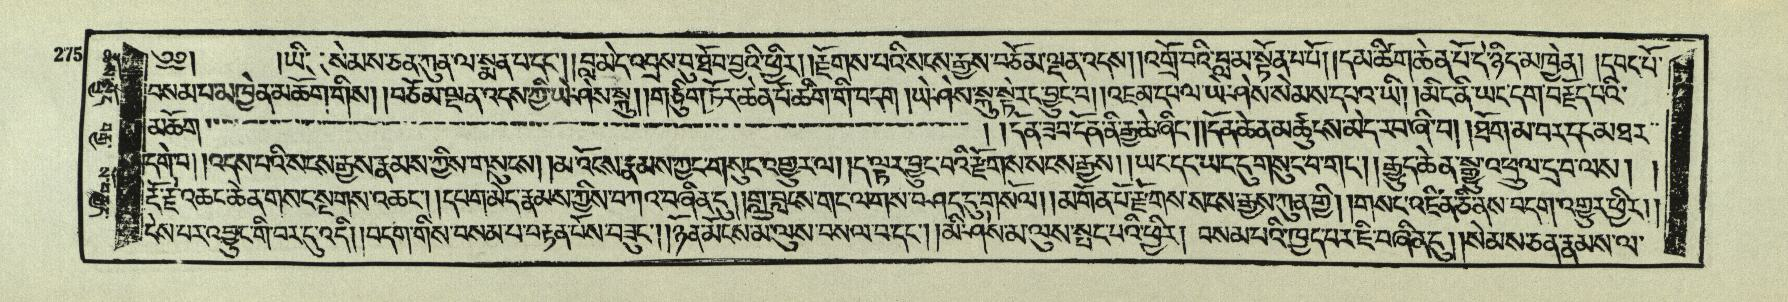༄༅། །ཡི༑ ༑སེམས་ཅན་ཀུན་ལ་སྨན་པ་དང་། །བླ་མེད་འབྲས་བུ་ཐོབ་བྱའི་ཕྱིར། །རྫོགས་པའི་སངས་རྒྱས་བཅོམ་ལྡན་འདས། །འགྲོ་བའི་བླ་མ་སྟོན་པ་པོ། །དམ་ཚིག་ཆེན་པོ་དེ་ཉིད་མཁྱེན། །དབང་པོ་
བསམ་པ་མཁྱེན་མཆོག་གིས། །བཅོམ་ལྡན་འདས་ཀྱི་ཡེ་ཤེས་སྐུ། །གཙུག་ཏོར་ཆེན་པོ་ཚིག་གི་བདག །ཡེ་ཤེས་སྐུ་སྟེ་རང་བྱུང་བ། །འཇམ་དཔལ་ཡེ་ཤེས་སེམས་དཔའ་ཡི། །མིང་ནི་ཡང་དག་བརྗོད་པའི་
མཆོག། །དོན་ཟབ་དོན་ནི་རྒྱ་ཆེ་ཞིང་། །དོན་ཆེན་མཚུངས་མེད་རབ་ཞི་བ། །ཐོག་མ་བར་དང་མཐར་

དགེ་བ། །འདས་པའི་སངས་རྒྱས་རྣམས་ཀྱིས་གསུངས། །མ་འོངས་རྣམས་ཀྱང་གསུང་འགྱུར་ལ། །ད་ལྟར་བྱུང་བའི་རྫོགས་སངས་རྒྱས། །ཡང་དང་ཡང་དུ་གསུང་བ་གང་། །རྒྱུད་ཆེན་སྒྱུ་འཕྲུལ་དྲ་བ་ལས། །
རྡོ་རྗེ་འཆང་ཆེན་གསང་སྔགས་འཆང་། །དཔག་མེད་རྣམས་ཀྱིས་བཀའ་བཞིན་དུ། །གླུ་བླངས་གང་ལགས་བཤད་དུ་གསོལ། །མགོན་པོ་རྫོགས་སངས་རྒྱས་ཀུན་གྱི། །གསང་འཛིན་ཅི་ནས་བདག་འགྱུར་ཕྱིར། །
ངེས་པར་འབྱུང་གི་བར་དུ་འདི། །བདག་གིས་བསམ་པ་བརྟན་པོས་བཟུང་། །ཉོན་མོངས་མ་ལུས་བསལ་བ་དང་། །མི་ཤེས་མ་ལུས་སྤང་པའི་ཕྱིར། བསམ་པའི་ཁྱད་པར་ཇི་བཞིན་དུ། །སེམས་ཅན་རྣམས་ལ་